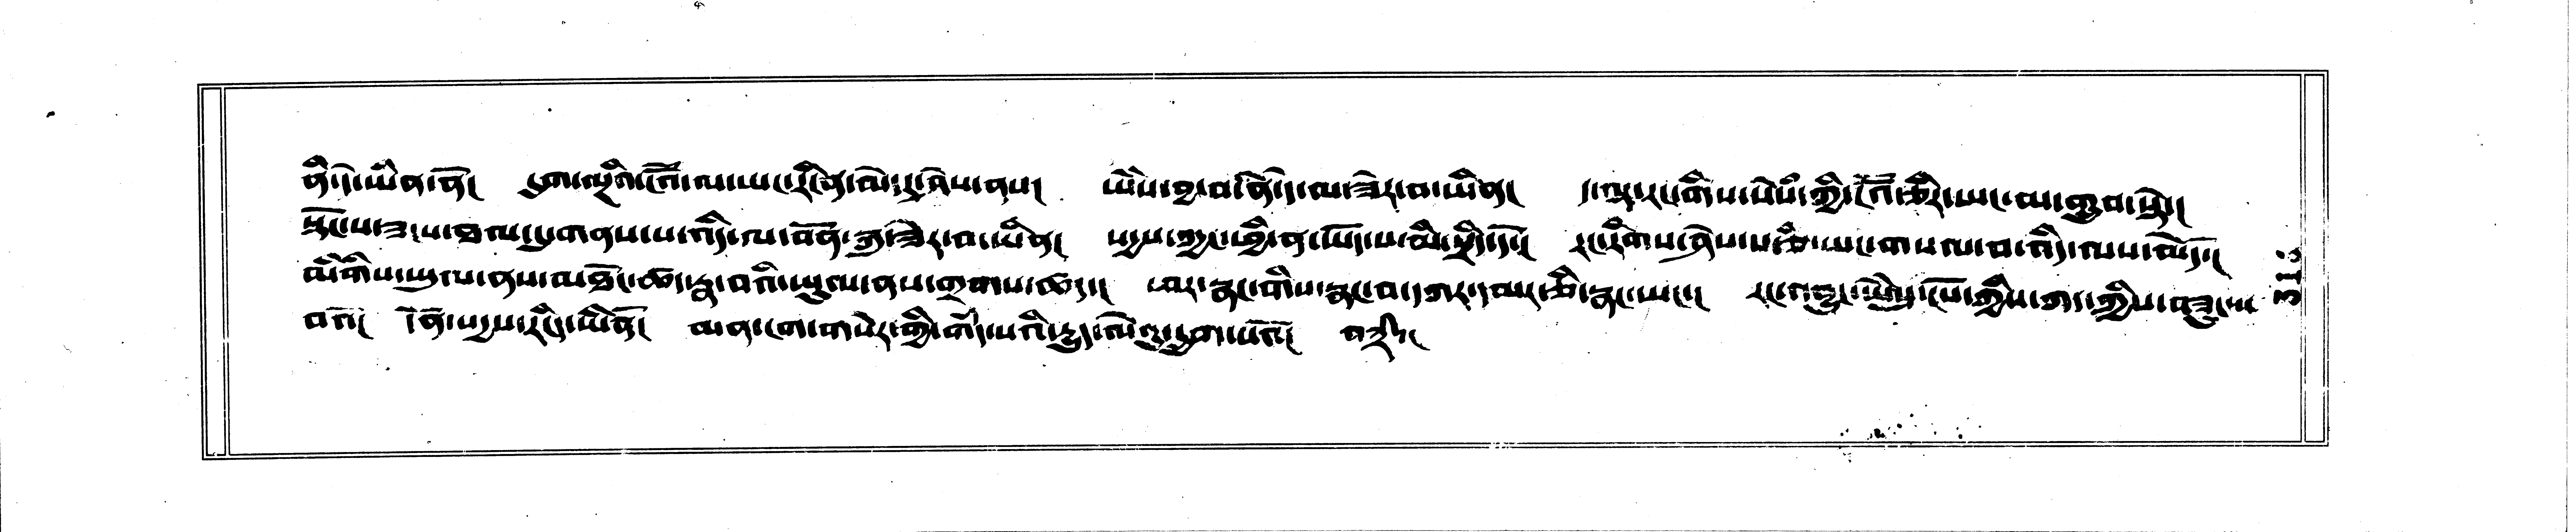ནི་དེ་ཡིན་ནོ། དུག་ལྔའི་ངོའོ་ལ་ཡང་རང་བཞིན་མེད་པར་ཤེས་ན། ཡེ་ཤེས་བྱ་བ་ནི་དེ་ལས་ཟེར་བ་ཡིན་ནོ། དེ་ལྟར་རང་གིས་༼གི༽སེམས་ངོའོ་ཅིར་ཡང་མ་གྲུབ་སྟེ། 
སྟོང་པ་ཟང་ཐལ་དུ་གནས་པ་འདི་ལ། བོན་སྐུ་བྱ་བ་དེ་ལ་ཟེར་བ་ཡིན། སངས་རྒྱས་ཀྱང་ཕྱི་ན་ཡོད་མི་སྲིད་དེ། རང་རིག་ཤེས་པ་ཅིར་ཡང་གསལ་བ་ཡིན་ནོ། 
མིག་གིས་ཡུལ་ནས་མཐོང་ཚད་མི། རྣ་བའི་ཡུལ་ནས་གྲགས་ཚད། བར་”ཕར”སྣང་སྣང་བ་དཀར་དམར་ཅི་སྣང་ཡང་། རང་འབྱུང་ཡེ་ཤེས་སུ་ངོས་ཀྱིས་ཀད་ཀད་བཟུངས་
པའོ།། དོན་སངས་རྒྱས་རང་ཉིད་ཡིན་ནོ། མེན་ངག་གསེར་གྱིས་གདམས་པའི་རྒྱུད། ལེའུ་དྲུག་པའོ། བཀྲ་ཤིས། །